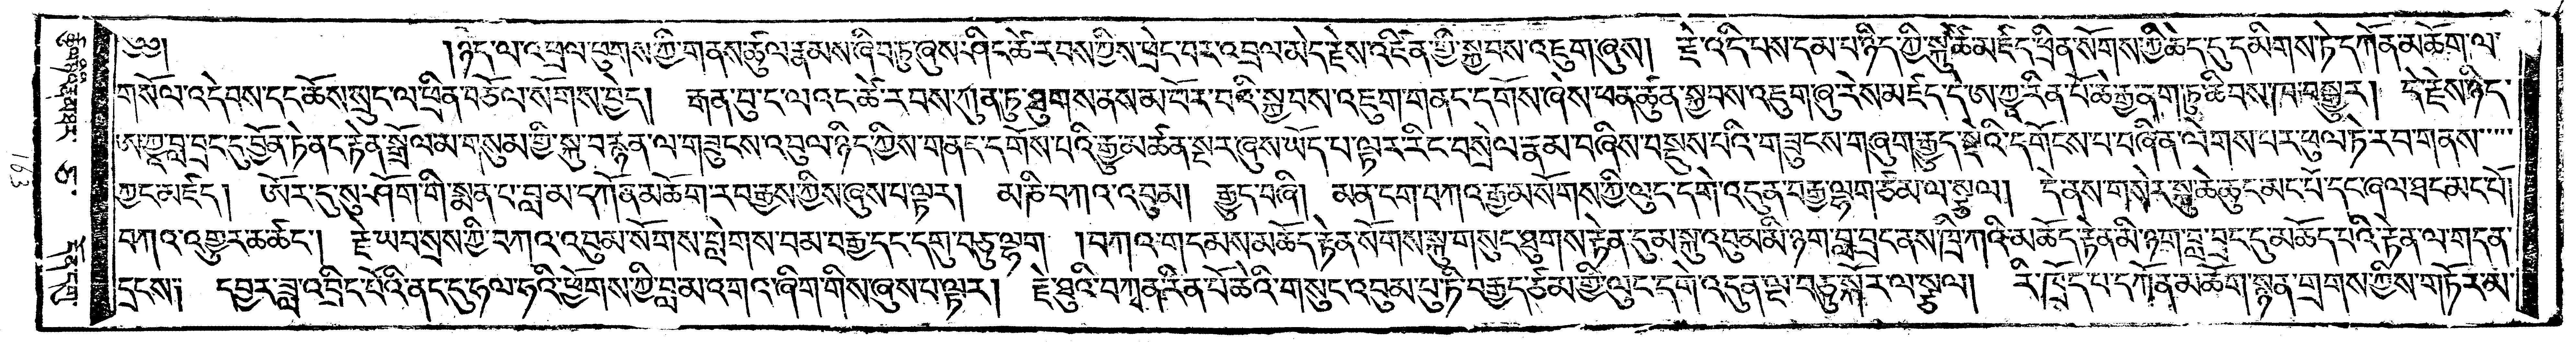༄༅། །ཉིད་ལ་འཕྲལ་ཕུགས་ཀྱི་གནས་ཚུལ་རྣམས་ཞིབ་ཏུ་ཞུས་ཤིང་ཚེ་རབས་ཀྱིས་ཕྲེང་བར་འབྲལ་མེད་རྗེས་འཛིན་གྱི་སྐྱབས་འཇུག་ཞུས། རྗེ་འདི་པས་དམ་པ་ཉིད་ཀྱི་སྐུ་ཚེ་མཛད་ཕྲིན་སོགས་ཀྱི་ཆེད་དུ་དམིགས་ཏེ་དཀོན་མཆོག་ལ་
གསོལ་འདེབས་དང་ཆོས་སྲུང་ལ་ཕྲིན་བཅོལ་སོགས་བྱེད། རྒན་བུ་ང་ལའང་ཚེ་རབས་ཀུན་ཏུ་ཐུགས་ནས་མ་བོར་བའི་སྐྱབས་འཇུག་གནང་དགོས་ཞེས་ཕན་ཚུན་སྐྱབས་འཇུག་ཞུ་རེས་མཛད་དེ་ཨ་ཀྱཱ་རིན་པོ་ཆེ་རྒྱ་ནག་ཏུ་ཆིབས་ཁ་བསྒྱུར། དེ་རྗེས་ཉིད་
ཨ་ཀྱཱ་བླ་བྲང་དུ་བྱོན་ཏེ་ནང་རྟེན་སྒྲོལ་མ་གསུམ་གྱི་སྐུ་བརྙན་ལ་གཟུངས་འབུལ་ཉིད་ཀྱིས་གནང་དགོས་པའི་རྒྱུ་མཚན་སྔར་ཞུས་ཡོད་པ་ལྟར་རིང་བསྲེལ་རྣམ་བཞིས་བསྡུས་པའི་གཟུངས་གཞུག་རྒྱུད་སྡེའི་དགོངས་པ་བཞིན་ལེགས་པར་ཕུལ་ཏེ་རབ་གནས་
ཀྱང་མཛད། ཨོར་དུ་སུ་ཤོག་གི་སྨན་པ་བླ་མ་དཀོན་མཆོག་རབ་རྒྱས་ཀྱིས་ཞུས་པ་ལྟར། མ་ཎི་བཀའ་འབུམ། རྒྱུད་བཞི། མན་ངག་བཀའ་རྒྱ་མ་སོགས་ཀྱི་ལུང་དགེ་འདུན་བརྒྱ་ལྷག་ཙམ་ལ་སྩལ། དེ་ནས་གསེར་སྐུ་ཆེ་ཆུང་མང་པོ་དང་ཞལ་ཐང་མང་བོ།
བཀའ་འགྱུར་ཆ་ཚང་། རྗེ་ཡབ་སྲས་ཀྱི་བཀའ་འབུམ་སོགས་གླེགས་བམ་བརྒྱ་དང་དགུ་བཅུ་ལྷག །བཀའ་གདམས་མཆོད་རྟེན་སོགས་སྐུ་གསུང་ཐུགས་རྟེན་དུ་མ་སྐུ་འབུམ་མི་ཉག་བླ་བྲང་ནས་ཁྲི་ཀའི་མཆོད་རྟེན་མི་ཉག་བླ་བྲང་དུ་མཆོད་པའི་རྟེན་ལ་གདན་
དྲངས༑ དབྱར་ཟླ་འབྲིང་པོའི་ནང་དུ་ཧལ་ཧའི་ཕྱོགས་ཀྱི་བླ་མ་འགའ་ཞིག་གིས་ཞུས་པ་ལྟར། རྗེ་ཐུའི་བཀྭན་རིན་པོ་ཆེའི་གསུང་འབུམ་པུ་ཏི་བརྒྱད་ཙམ་གྱི་ལུང་དགེ་འདུན་ལྔ་བཅུ་སྐོར་ལ་སྩལ། རི་ཁྲོད་པ་དཀོན་མཆོག་སྙན་གྲགས་ཀྱིས་གཏོར་མ་